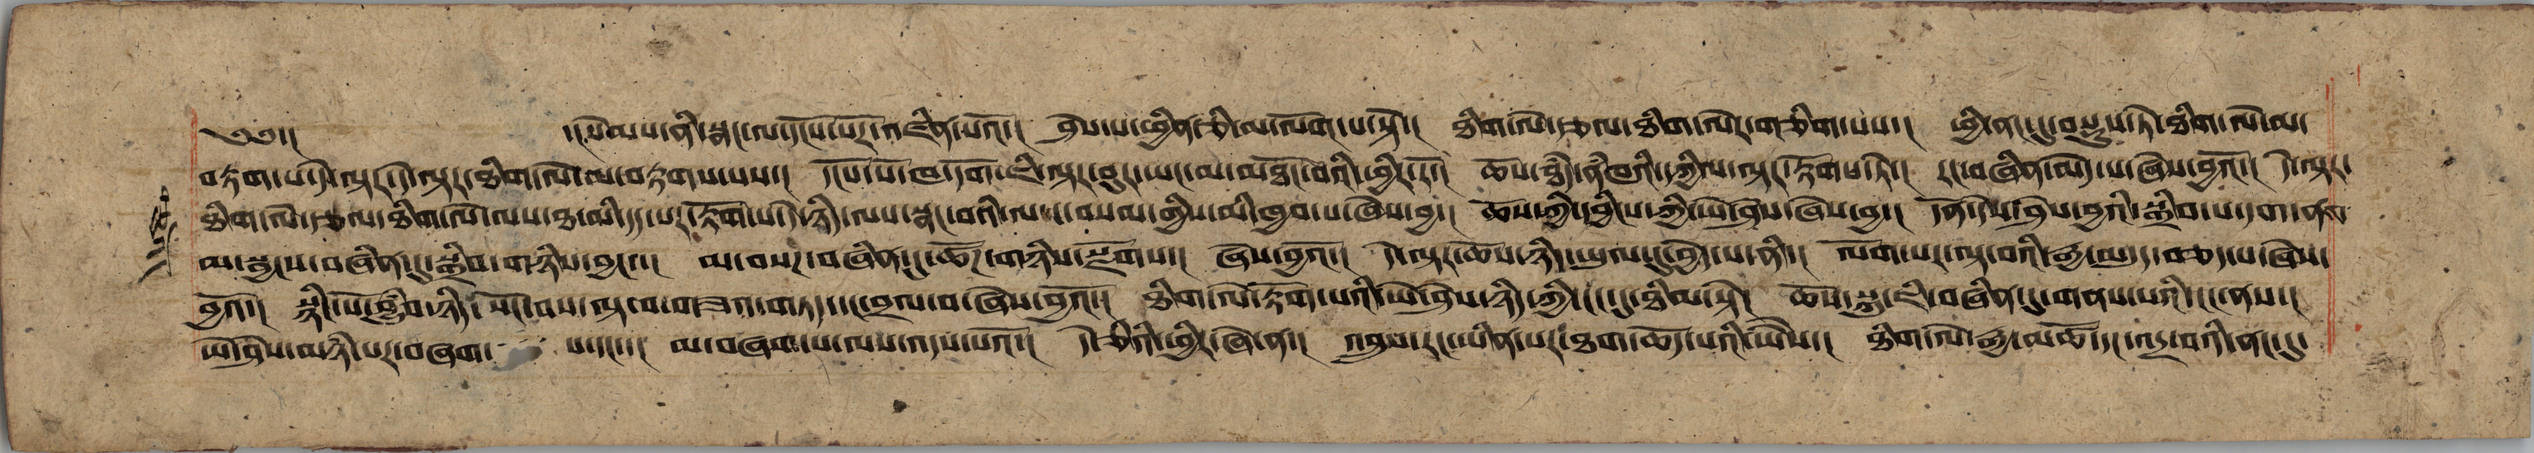༄༅་། ་།སེམས་ནི་སྣང་ལ་དངོས་པོར་འཛིན་པའོ་། ཤེས་པ་ཕྱིན་ཅི་མ་ལོག་པ་སྟེ་། ཐིག་ལེ་རྩལ་ཐིག་ལེར་གཅིག་པས་། ཕྱི་ནང་དུ་བསྡུས་ཏེ་ཐིག་ལེ་མ་
བརྟག་པ་དེ་ལྟར་དེ་ལྟར་ཐིག་ལེ་མ་བརྟགས་པས་། དངོས་པོ་ཁ་དོག་ཇི་ལྟར་བུར་ཡང་མ་མཐོང་བའི་ཕྱིར་རོ་། ཆོས་ཐཾད་ནཾཁའི་དཀྱིལ་ལྟར་རྟོགས་ཏེ་། རང་བཞིན་མེད་པ་ཞེས་བྱའོ་། དེ་ལྟར་
ཐིག་ལེ་རྩལ་ཐིག་ལེ་ལས་ཐ་མི་དད་པར་རྟོག་པ་དེ་ཉིད་ལས་སྣང་བའི་ལས་བསམ་གྱིས་མི་ཁྱབ་པ་ཞེས་བྱ་། ཆོས་ཀྱི་དབྱིངས་ཀྱི་ཡེ་ཤེས་ཞེས་བྱ་། དོན་དེས་ཤེས་བྱའི་སྒྲིབ་པ་དག་ནས
མ་སྦྱངས་བཞིན་དུ་སྒྲིབ་གཉིས་བྱང་་། མ་བསཌ་བཞིན་དུ་ཚོཌ་གཉིས་སྫོགས་། ཞེས་བྱའོ་། དེ་ལྟར་ཆོས་ཉིད་ཡུལ་དུ་བྱེད་པ་ནི་། ལོག་པར་ལྟ་བའི་རྒྱ་མདུད་བཅད་པ་ཞེས་
བྱའོ་། སྙིང་པོ་བྱུཾབ་ཉིད་སོང་བས་ལྟ་བ་གཟའ་གཏད་དང་བྲལ་བ་ཞེས་བྱའོ་། ཐིག་ལེ་རྟོག་པའི་ཡེ་ཤེས་ཉིད་ཀྱི་ངང་དུ་ཐིམ་སྟེ། ཆོས་སྐུ་ཇི་བཞིན་དུ་གནས་པའི་ངང་ནས་།
ཡེ་ཤེས་མཉཾ་པར་བཞག་ པ་དང་་། མ་བཞག་པ་ལས་འདས་པའོ་། དེ་ཅིའི་ཕྱིར་ཞེ་ན་། འབྲུས་རང་ཡིན་པར་ཐག་ཆོད་པའི་ཡཻས་། ཐིག་ལེ་རྒྱ་མཚོ་དང་འདྲ་བའི་ནང་དུ་